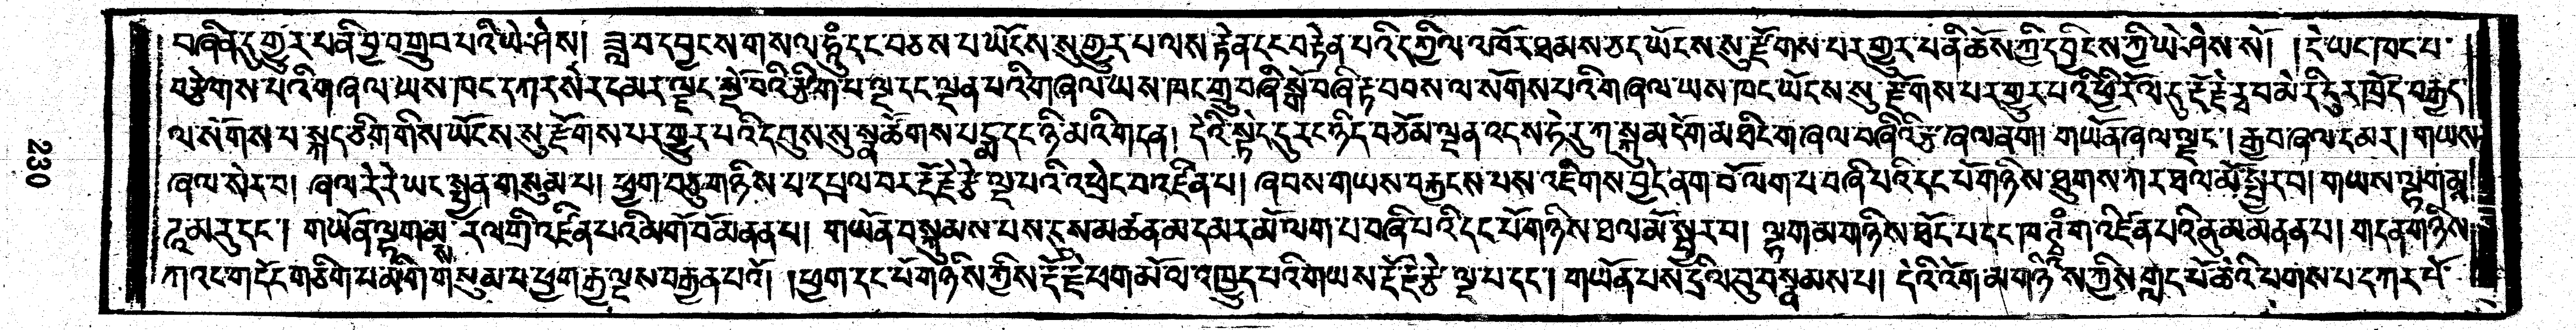བཞིན་དུ་གྱུར་པ་ནི་བྱ་བ་གྲུབ་པའི་ཡེ་ཤེས། ཟླ་བ་དབྱངས་གསལ་ཧཱུཾ་དང་བཅས་པ་ཡོངས་སུ་གྱུར་པ་ལས་རྟེན་རང་བརྟེན་པའི་དཀྱིལ་འཁོར་ཐམས་ཅད་ཡོངས་སུ་རྫོགས་པར་གྱུར་པ་ནི་ཆོས་ཀྱི་དབྱིངས་ཀྱི་ཡེ་ཤེས་སོ། །དེ་ཡང་ཁང་པ་
བརྩེགས་པའི་གཞལ་ཡས་ཁང་དཀར་སེར་དམར་ལྗང་སྔོ་བའི་རྩིག་པ་ལྔ་དང་ལྡན་པའི་གཞལ་ཡས་ཁང་གྲུབ་བཞི་སྒོ་བཞི་རྟ་བབས་ལ་སོགས་པའི་གཞལ་ཡས་ཁང་ཡོངས་སུ་རྫོགས་པར་གྱུར་པའི་ཕྱི་རོལ་དུ་རྡོ་རྗེ་རྭ་བ་མེ་རི་དུར་ཁྲོད་བརྒྱད་
ལ་སོགས་པ་སྐད་ཅིག་གིས་ཡོངས་སུ་རྫོགས་པར་གྱུར་པའི་དབུས་སུ་སྣ་ཚོགས་པདམ་དང་ཉི་མའི་གདན། དེའི་སྟེང་དུ་རང་ཉིད་བཅོམ་ལྡན་འདས་ཧེ་རུ་ཀ་སྐུ་མདོག་མཐིང་གཞལ་བཞིའི་རྩ་ཞལ་ནག། གཡོན་ཞལ་ལྗང་། རྒྱབ་ཞལ་དམར། གཡས་
ཞལ་སེར་བ། ཞལ་རེ་རེ་ཡང་སྤྱན་གསུམ་པ། ཕྱག་བཅུ་གཉིས་པ་དཔྲལ་བར་རྡོ་རྗེ་རྩེ་ལྔ་པའི་འཕྲེང་བ་འཛིན་པ། ཞབས་གཡས་བརྐྱངས་པས་འཇིགས་བྱེད་ནག་བོ་ལག་པ་བཞི་པའི་དང་པོ་གཉིས་ཐུགས་ཀར་ཐལ་མོ་སྦྱར་བ། གཡས་ལྷག་མས་
ཌཱ་མ་རུ་དང་། གཡོན་ལྷག་མས་རལ་གྲི་འཛིན་པའི་མགོ་བོ་མནན་པ། གཡོན་བསྐུམས་པས་དུས་མཚན་མ་དམར་མོ་ལག་པ་བཞི་པའི་དང་པོ་གཉིས་ཐལ་མོ་སྦྱར་བ། ལྷག་མ་གཉིས་ཐོང་པ་དང་ཁ་ཊྭཾ་ག་འཛིན་པའི་ནུ་མ་མནན་པ། གདན་གཉིས་
ཀའང་གདོང་གཅིག་པ་མིག་གསུམ་པ་ཕྱག་རྒྱ་ལྔས་བརྒྱན་པའོ། །ཕྱག་དང་པོ་གཉིས་ཀྱིས་རྡོ་རྗེ་ཕག་མོ་ལ་འཁྱུད་པའི་གཡས་རྡོ་རྗེ་རྩེ་ལྔ་པ་དང་། གཡོན་པས་དྲིལ་བུ་བསྣམས་པ། དེའི་འོག་མ་གཉིས་ཀྱིས་གླང་པོ་ཆེའི་པགས་པ་དཀར་པོ་